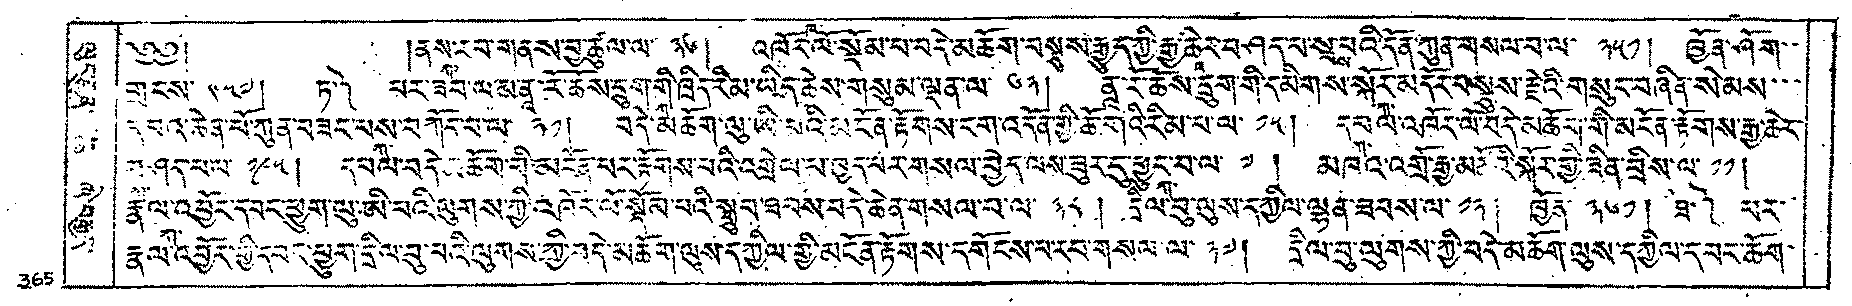༄༅། །ནས་རབ་གནས་བྱ་ཚུལ་ལ ༣༦། ཁ་འཁོར་ལོ་སྡོམ་པ་བདེ་མཆོག་བསྡུས་རྒྱུད་ཀྱི་རྒྱ་ཆེར་བཤད་པ་སྦས་པའི་དོན་ཀུན་གསལ་བ་ལ ༢༥༡། ཁྱོན་ཤོག་
གྲངས ༤༥༧། ཏ}་ཀ་པར་ཟབ་ལམ་ནཱ་རོ་ཆོས་དྲུག་གི་ཁྲིད་རིམ་ཡིད་ཆེས་གསུམ་ལྡན་ལ ༦༢། ནཱ་རོ་ཆོས་དྲུག་གི་དམིགས་སྐོར་མདོར་བསྡུས་རྗེའི་གསུང་བཞིན་སེམས་
དཔའ་ཆེན་པོ་ཀུན་བཟང་པས་བཀོད་པ་ལ ༢༡། ཀ་བདེ་མཆོག་ལུ་ཨི་པའི་མངོན་རྟོགས་ངག་འདོན་གྱི་ཆོ་གའི་རིམ་པ་ལ ༡༥། ཀ་དཔལ་འཁོར་ལོ་བདེ་མཆོག་གི་མངོན་རྟོགས་རྒྱ་ཆེར་
བཤད་པ་ལ ༡༩༥། ཀ་དཔལ་བདེ་མཆོག་གི་མངོན་པར་རྟོགས་པའི་འགྲེལ་པ་ཁྱད་པར་གསལ་བྱེད་ལས་ཟུར་དུ་ཕྱུང་བ་ལ ༧། ཀ་མཁའ་འགྲོ་རྒྱ་མཚོའི་སྐོར་གྱི་ཟིན་བྲིས་ལ ༡༡།
ཀ་རྣལ་འབྱོར་དབང་ཕྱུག་ལུ་ཨི་པའི་ལུགས་ཀྱི་འཁོར་ལོ་སྡོམ་པའི་སྒྲུབ་ཐབས་བདེ་ཆེན་གསལ་བ་ལ ༣༨། ཀ་དྲིལ་བུ་ལུས་དཀྱིལ་ལྷན་ཐབས་ལ ༡༢། ཁྱོན ༣༦༡། ཐ}་པར་
ཀ་རྣལ་འབྱོར་གྱི་དབང་ཕྱུག་དྲིལ་བུ་པའི་ལུགས་ཀྱི་བདེ་མཆོག་ལུས་དཀྱིལ་གྱི་མངོན་རྟོགས་དགོངས་པ་རབ་གསལ་ལ ༢༧། དྲིལ་བུ་ལུགས་ཀྱི་བདེ་མཆོག་ལུས་དཀྱིལ་དབང་ཆོག་